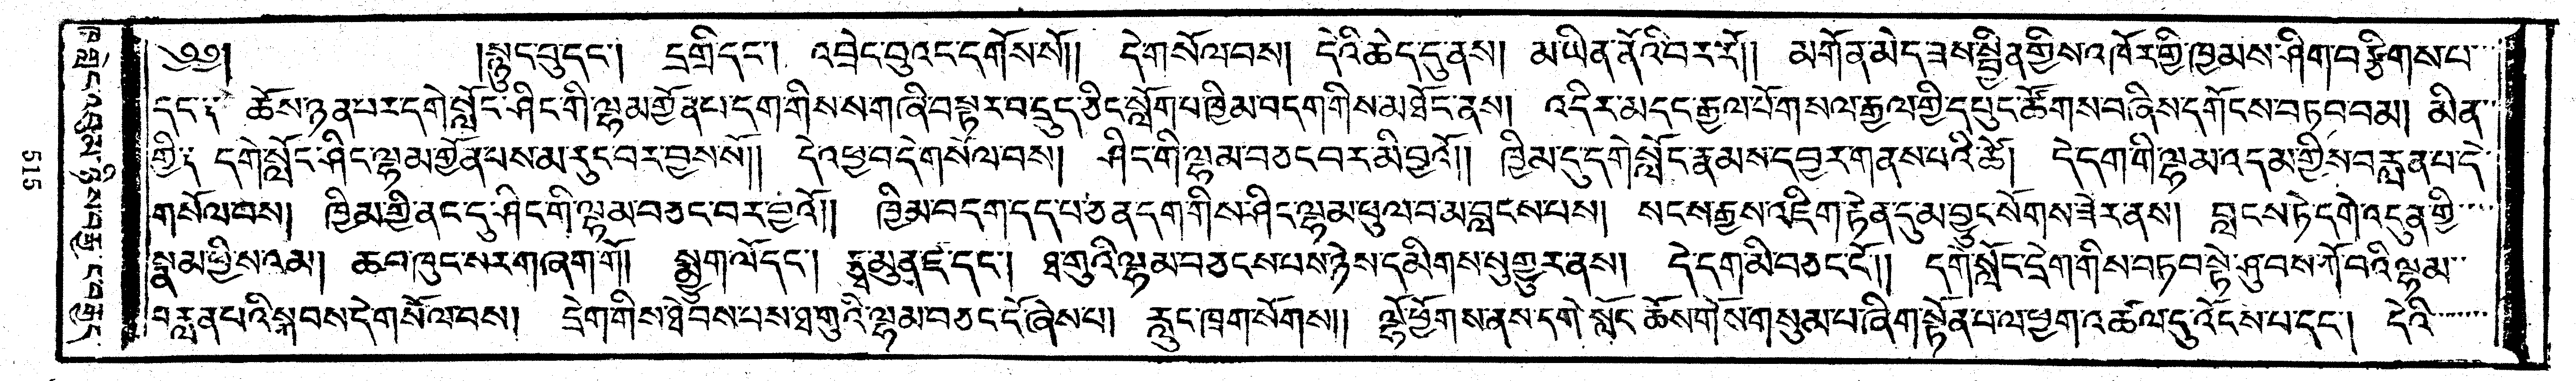༄༅། །སྙུང་བུ་དང་། དྲ་གྲི་དང་། འབྲེང་བུའང་དགོས་སོ།། དེ་གསོལ་བས། དེའི་ཆེད་དུ་ནས། མ་ཡིན་ནོའི་བར་རོ།། མགོན་མེད་ཟས་སྦྱིན་གྱིས་འཁོར་གྱི་ཁྱམས་ཤིག་བརྩིགས་པ་
དང༑ ཆོས་ཉན་པར་དགེ་སློང་ཤིང་གི་ལྷམ་གྱོན་པ་དག་གིས་ས་གཞི་བསྟར་བ་དྲུད་ཅིང་སློག་པ་ཁྱིམ་བདག་གིས་མཐོང་ནས། འདིར་མདང་རྒྱལ་པོ་གསལ་རྒྱལ་གྱི་དཔུང་ཚོགས་བཞིས་དགོངས་བཏབ་བམ། མིན་
གྱི༑ དགེ་སློང་ཤིང་ལྷམ་གྱོན་པས་མ་རུང་བར་བྱས་སོ།། དེ་འཕྱ་བ་དེ་གསོལ་བས། ཤིང་གི་ལྷམ་བཅང་བར་མི་བྱའོ།། ཁྱིམ་དུ་དགེ་སློང་རྣམས་དབྱར་གནས་པའི་ཚེ། དེ་དག་གི་ལྷམ་འདམ་གྱིས་བརླན་པ་དེ་
གསོལ་བས། ཁྱིམ་གྱི་ནང་དུ་ཤིང་གི་ལྷམ་བཅང་བར་བྱའོ།། ཁྱིམ་བདག་དད་པ་ཅན་དག་གིས་ཤིང་ལྷམ་ཕུལ་བ་མ་བླངས་པས། སངས་རྒྱས་འཇིག་རྟེན་དུ་མ་བྱུང་སོགས་ཟེར་ནས། བླངས་ཏེ་དགེ་འདུན་གྱི་
སྣམ་ཕྱི་སའམ། ཆབ་ཁུང་སར་གཞག་གོ། སྨྱུག་ལོ་དང་། རྩྭ་མུན་ཛ་དང་། ཐ་གུའི་ལྷམ་བཅངས་པས་ཉེས་དམིགས་སུ་གྱུར་ནས། དེ་དག་མི་བཅང་ངོ།། དགེ་སློང་དྲེག་གིས་བཏབ་སྟེ་ཤུབས་ཀོ་བའི་ལྷམ་
བརླན་པའི་སྐབས་དེ་གསོལ་བས། དྲེག་གིས་ཐེབས་བས་ཐ་གུའི་ལྷམ་བཅང་ངོ་ཞེས་པ། རླུང་ཁྲག་སོགས།། ལྷོ་ཕྱོགས་ནས་དགེ་སློང་ཆོས་གོས་གསུམ་པ་ཞིག་སྟོན་པ་ལ་ཕྱག་འཚལ་དུ་འོངས་པ་དང་། དེའི་